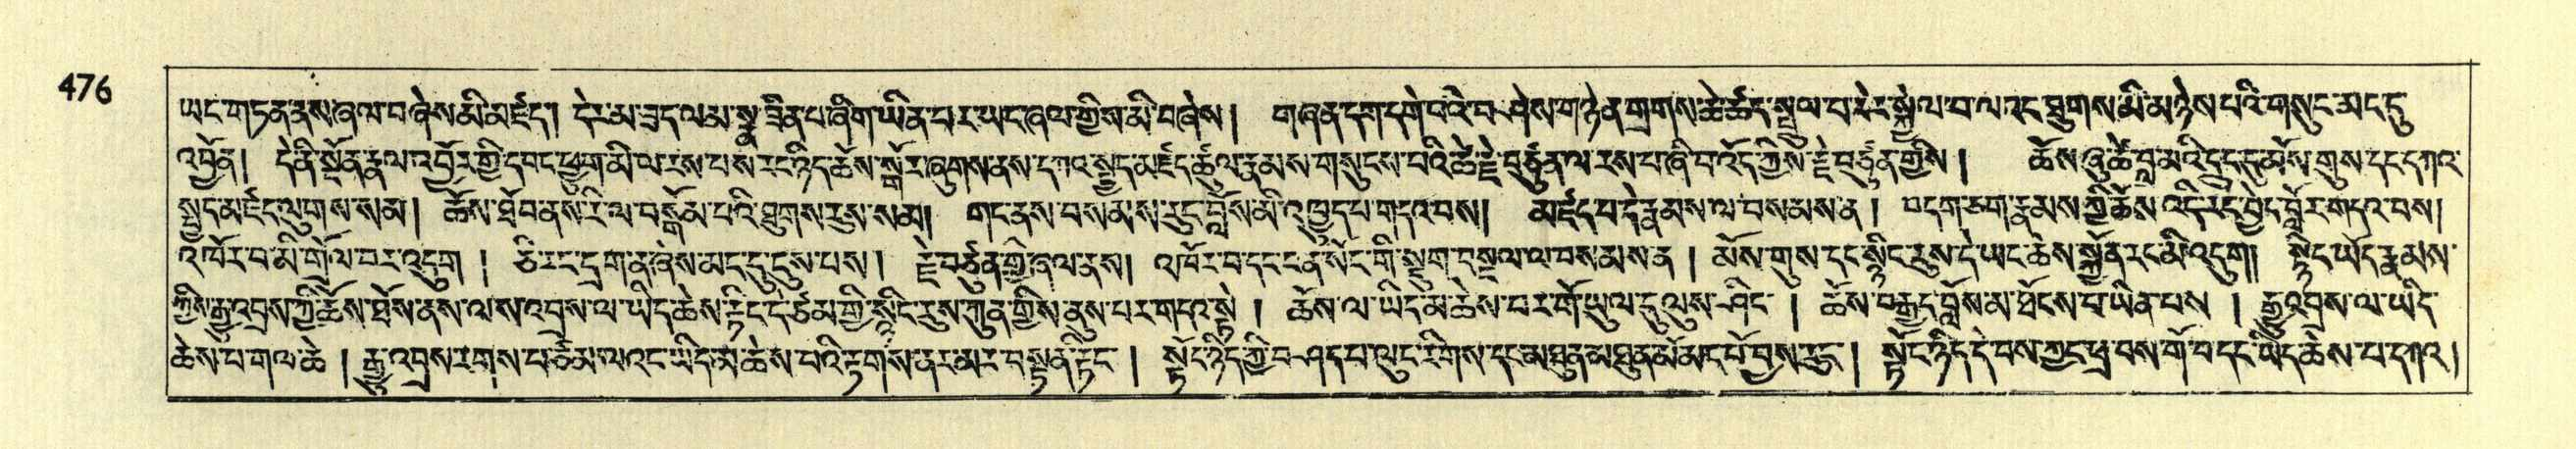ཡང་གཏན་ནས་ཞལ་བཞེས་མི་མཛད། དེར་མ་ཟད་ལམ་སྣ་ཟིན་པ་ཞིག་ཡིན་པར་ཡང་ཞལ་གྱིས་མི་བཞེས། གཞན་དག་དགེ་བའི་བཤེས་གཉེན་གྲགས་ཆེ་ཚད་སྤྲུལ་བ་རེར་སྐྱེལ་བ་ལའང་ཐུགས་མི་མཉེས་པའི་གསུང་མང་དུ་
འབྱོན། དེ་ནི་སྔོན་རྣལ་འབྱོར་གྱི་དབང་ཕྱུག་མི་ལ་རས་པས་རང་ཉིད་ཆོས་སྒོར་ཞུགས་ནས་དཀའ་སྤྱད་མཛད་ཚུལ་རྣམས་གསུངས་པའི་ཚེ་རྗེ་བཙུན་ལ་རས་པ་ཞི་བ་འོད་ཀྱིས་རྗེ་བཙུན་གྱིས། ཆོས་ཞུ་ཚེ་བླ་མའི་དྲུང་དུ་མོས་གུས་དང་དཀའ་
སྤྱད་མཛད་ལུགས་སམ། ཆོས་ཐོབ་ནས་རི་ལ་བསྒོམ་པའི་ཐུགས་རུས་སམ། གང་ནས་བསམས་རུང་བློས་མི་འཁྱུད་པ་གདའ་བས། མཛད་པ་དེ་རྣམས་ལ་བསམས་ན། བདག་ཅག་རྣམས་ཀྱི་ཆོས་འདི་རང་བྱེད་བློར་གདའ་བས།
འཁོར་བ་མི་གྲོལ་བར་འདུག། ཅི་རང་དྲག་ན་ཞེས་མང་དུ་དུས་པས། རྗེ་བཙུན་གྱི་ཞལ་ནས། འཁོར་བ་དང་ངན་སོང་གི་སྡུག་བསྔལ་ལ་བསམས་ན། མོས་གུས་དང་སྙིང་རུས་དེ་ཡང་ཆོས་སྐྱོན་རང་མི་འདུག། སྙིང་ཡོད་རྣམས་
ཀྱིས་རྒྱུ་འབྲས་ཀྱི་ཆོས་ཐོས་ནས་ལས་འབྲས་ལ་ཡིད་ཆེས་རྟིང་དེ་ཙམ་གྱི་སྙིང་རུས་ཀུན་གྱིས་ནུས་པར་གདའ་སྟེ། ཆོས་ལ་ཡིད་མ་ཆེས་པར་གོ་ཡུལ་དུ་ལུས་ཤིང་། ཆོས་བརྒྱད་བློས་མ་ཐོངས་པ་ཡིན་པས། རྒྱུ་འབྲས་ལ་ཡིད་
ཆེས་པ་གལ་ཆེ། རྒྱུ་འབྲས་རགས་པ་ཙམ་ལའང་ཡིད་མ་ཆེས་པའི་རྟགས་ནར་མར་བསྟན་རྟིང་། སྟོང་ཉིད་ཀྱི་བཤད་པ་ལུང་རིགས་དང་མཐུན་མཐུན་མོ་མང་པོ་བྱས་རུང་། སྟོང་ཉིད་དེ་བས་ཀྱང་ཕྲ་བས་གོ་བ་དང་ཡིད་ཆེས་པ་དཀའ།